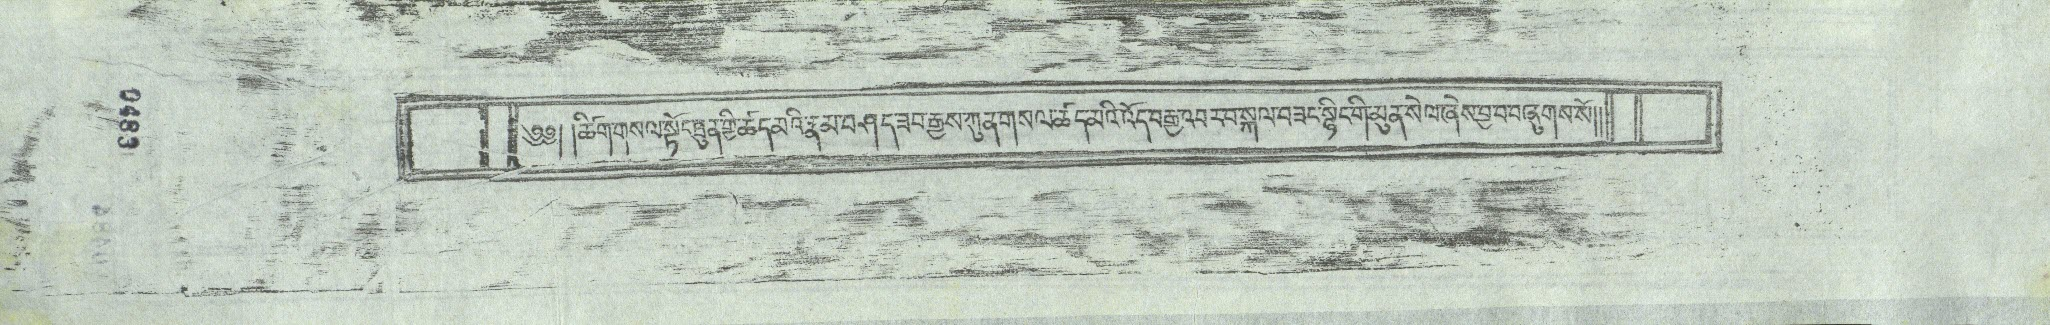༥?
༄༅། །ཚིག་གསལ་སྟོང་ཐུན་གྱི་ཚད་མའི་རྣམ་བཤད་ཟབ་རྒྱས་ཀུན་གསལ་ཚད་མའི་འོད་བརྒྱ་འབར་བ་སྐལ་བཟང་སྙིང་གི་མུན་སེལ་ཞེས་བྱ་བ་བཞུགས་སོ།།